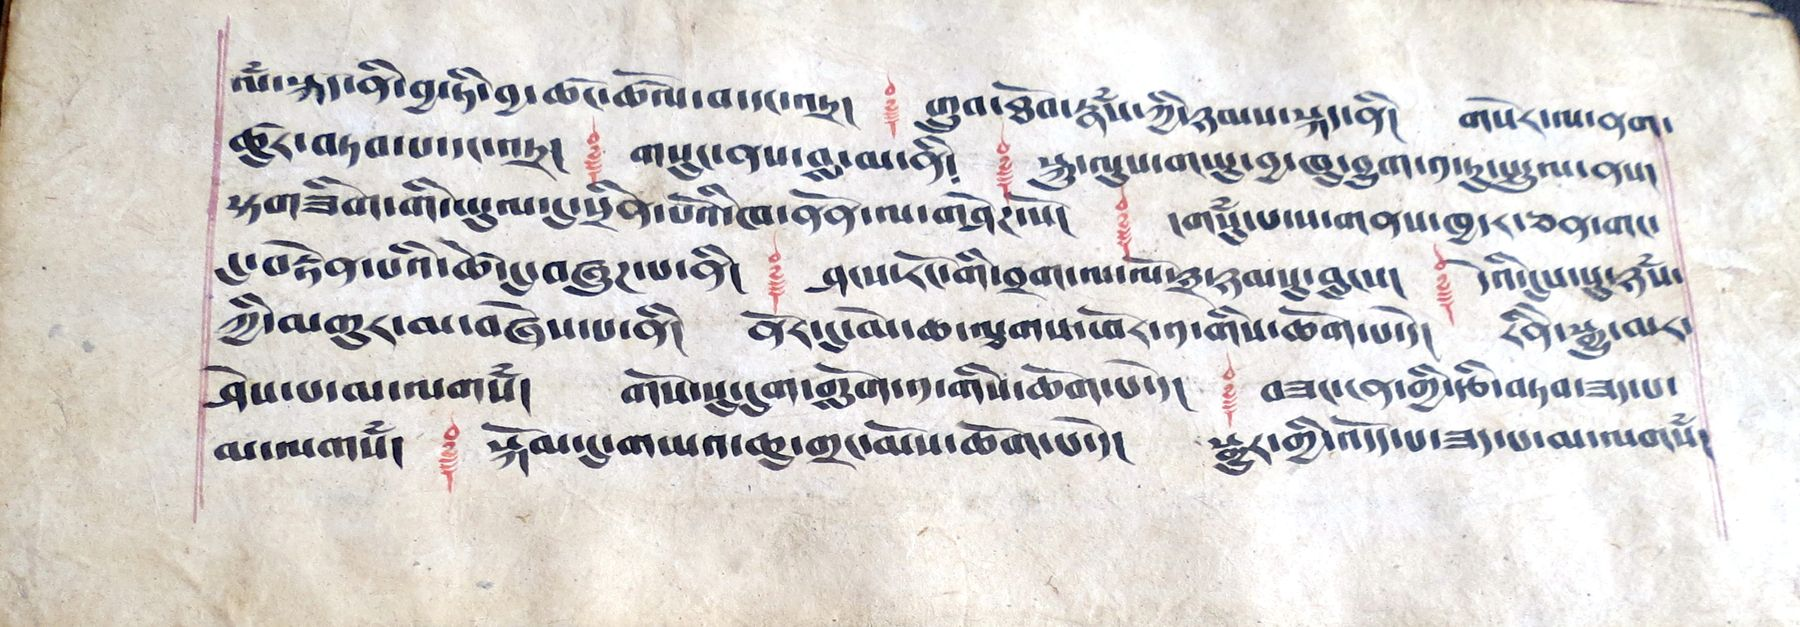ལམ་སྐད་ནི་བྱ་ཏི་བྱས་ཚང་ཚོལ་བ་དང་འདྲ། གྲུབ་ཐོབ་རྣམས་ཀྱི་ཉམས་སྐད་ནི། གསེར་ལ་ནགས་
ཚུར་བཏབ་པ་དང་འདྲ་གསུངས་ནས། བླ་མ་ནི་སྐུ་ལུས་གཡུ་བྱ་ཁུ་བྱུག་ཅིག་ཏུ་སྤྲུལ་ནས། 
རྟག་གཟིགས་ཀྱི་ཡུལ་དུ་སྲིན་པོའི་ཁ་གནོན་ལ་གཤེགས་སོ། ། གསུམ་པ་ས་གནས་ཁྱད་པར་ཅན་གང་
དུ་བརྟེན་པའི་ཚེ་དུ་བཞུགས་པ་ནི། ཤངས་ཤེལ་རོང་གི་བྲག་ལ་ལོ་གསུམ་ཉམས་སུ་བླངས། དེའི་དུས་ཉམས་
ཀྱི་མགུར་མ་བཞེངས་པ་ནི། ནོར་དུ་མེ་ཆ་ལྕགས་ཕོར་གཅིག་གིས་ཆོག་པ་དེ། རིན་ཆེན་སྒྱུ་མར་
ཤེས་པ་མ་ལགས་སམ། གོས་སུ་དུག་སློག་གཅིག་གིས་ཆོག་པ་དེ། བཟང་ངན་གྱི་རྩིས་གདབ་ཟད་པ་
མ་ལགས་སམ། སྐོམ་དུ་གཡའ་ཆུ་གྲང་མོས་ཆོག་པ་དེ། སྐྱུར་གྱི་འདོད་པ་ཟད་པ་མ་ལགས་སམ།